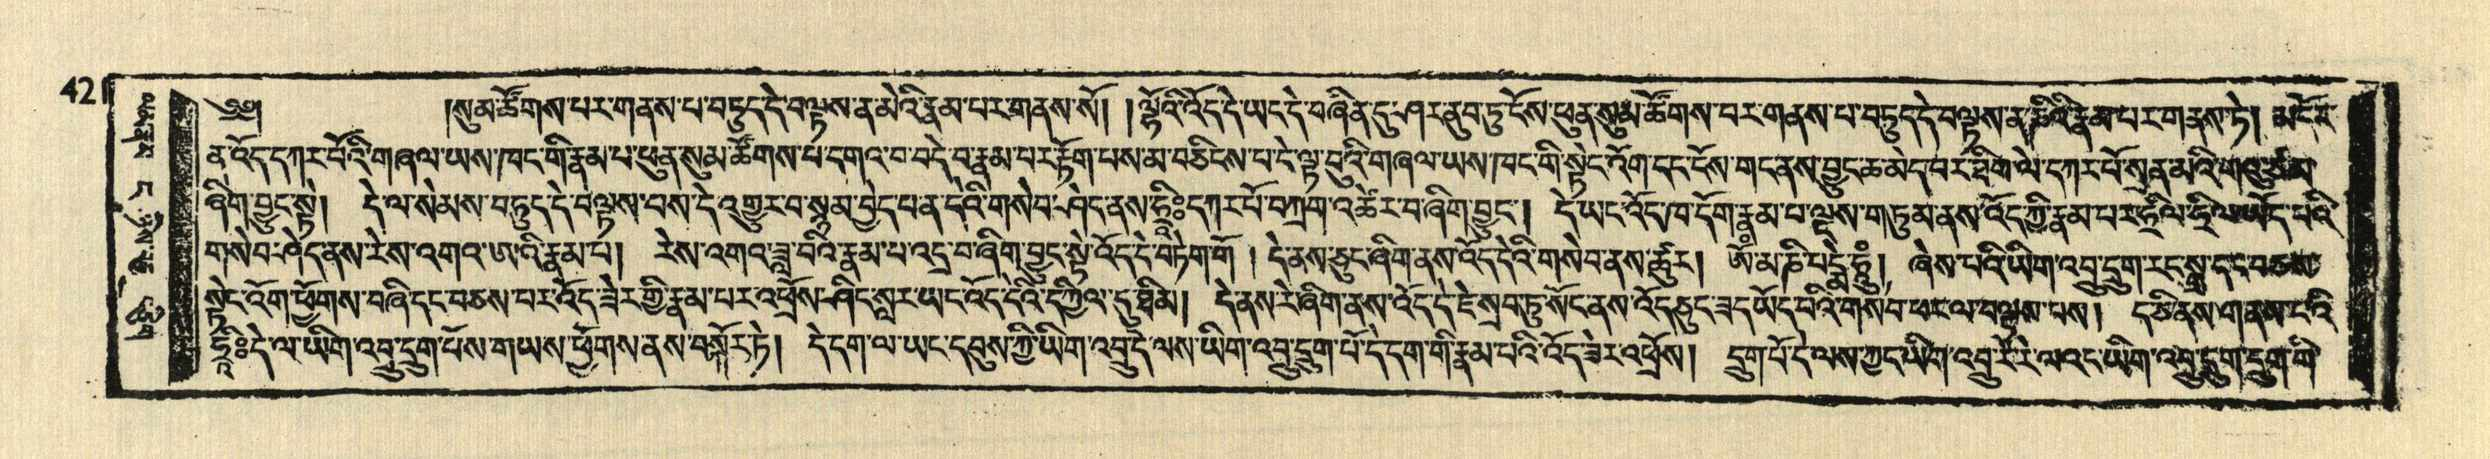༄༅། །སུམ་ཚོགས་པར་གནས་པ་བཏུད་དེ་བལྟས་ན་མེའི་རྣམ་པར་གནས་སོ། །ལྷོའི་འོད་དེ་ཡང་དེ་བཞིན་དུ་ཤར་ནུབ་ཏུ་ངོས་ཕུན་སུམ་ཚོགས་བར་གནས་པ་བཏུད་དེ་བལྟས་ན་ཎིའི་རྣམ་པར་གནས་ཏེ། མདོར་
ན་འོད་དཀར་པོའི་གཞལ་ཡས་ཁང་གི་རྣམ་པ་ཕུན་སུམ་ཚོགས་པ་དགའ་བ་བདེ་བ་རྣམ་པར་རྟོག་པས་མ་བཅིངས་པ་དེ་ལྟ་བུའི་གཞལ་ཡས་ཁང་གི་སྟེང་འོག་དང་ངོས་གང་ནས་བྱུང་ཆ་མེད་བར་ཐིག་ལེ་དཀར་པོ་སྲན་མའི་གའུ་ཙམ་
ཞིག་བྱུང་སྟེ། དེ་ལ་སེམས་བྷུད་དེ་བལྟས་བས་དེ་འགྱུར་བ་སྙམ་བྱེད་པ་ན་དེའི་གསེབ་ཤེང་ནས་ཧྲཱིཿ དཀར་པོ་བཀྲག་འཚེར་བ་ཞིག་བྱུང་། དེ་ཡང་འོད་ཁ་དོག་རྣམ་པ་ལྔས་གཏུམ་ནས་འོད་ཀྱི་རྣམ་པར་ཧྲིལ་ཧྲིལ་ཡོད་པའི་
གསེབ་ཤེད་ནས་རེས་འགའ་ཨཱི་རྣམ་པ། རེས་འགའ་ཟླ་བའི་རྣམ་པ་འདྲ་བ་ཞིག་བྱུང་སྟེ་འོད་དེ་བཏེག་གོ །དེ་ནས་ཅུང་ཞིག་ནས་འོད་དེའི་གསེབ་ནས་ཚུར། ཨོཾ་མ་ཎི་པདམེ་ཧཱུཾ། ཞེས་པའི་ཡིག་འབྲུ་དྲུག་རང་སྒྲ་དང་བཅས་
སྟེང་འོག་ཕྱོགས་བཞི་དང་བཅས་པར་འོད་ཟེར་གྱི་རྣམ་པར་འཕྲོས་ཤིང་སླར་ཡང་འོད་དེའི་དཀྱིལ་དུ་ཐིམ། དེ་ནས་རེ་ཞིག་ནས་འོད་དེ་ཇེ་སྲབ་ཏུ་སོང་ནས་འོད་ཅུང་ཟད་ཡོད་པའི་གསལ་ཕང་ལ་བལྟས་པས། ད་ཅི་ནས་གནས་ངའི་
ཧྲཱིཿ དེ་ལ་ཡིག་འབྲུ་དྲུག་པོས་གཡས་ཕྱོགས་ནས་བསྐོར་ཏེ། དེ་དག་ལ་ཡང་དབུས་ཀྱི་ཡིག་འབྲུ་དེ་ལས་ཡིག་འབྲུ་དྲུག་པོ་དེ་དག་གི་རྣམ་པའི་འོད་ཟེར་འཕྲོས། དྲུག་པོ་དེ་ལས་ཀྱང་ཡིག་འབྲུ་རེ་རེ་ལའང་ཡིག་འབྲུ་དྲུག་དྲུག་གི་